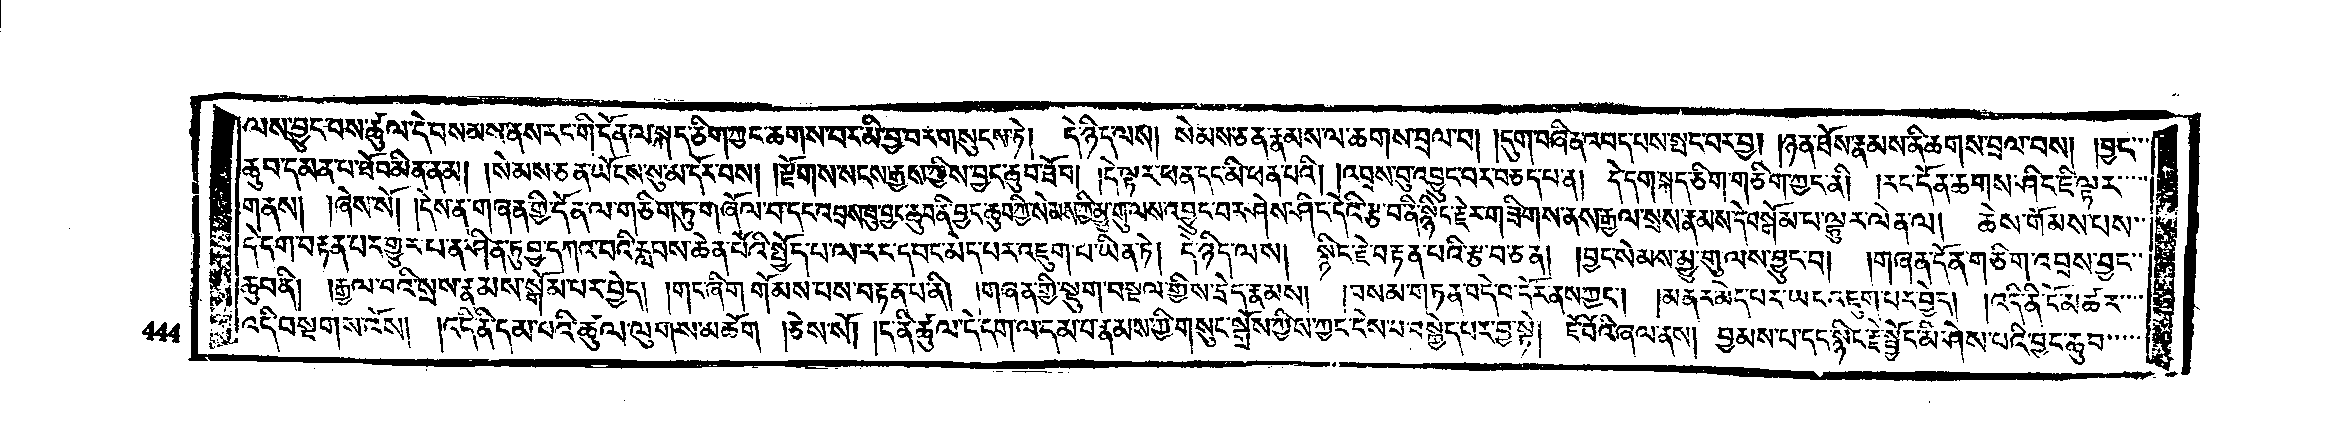ལས་བྱུང་བས་ཚུལ་དེ་བསམས་ནས་རང་གི་དོན་ལ་སྐད་ཅིག་ཀྱང་ཆགས་པར་མི་བྱ་བར་གསུངས་ཏེ། དེ་ཉིད་ལས། སེམས་ཅན་རྣམས་ལ་ཆགས་བྲལ་བ། །དུག་བཞིན་འབད་པས་སྤང་བར་བྱ། །ཉན་ཐོས་རྣམས་ནི་ཆགས་བྲལ་བས། །བྱང་
ཆུབ་དམན་པ་ཐོབ་མིན་ནམ། །སེམས་ཅན་ཡོངས་སུ་མ་དོར་བས། །རྫོགས་སངས་རྒྱས་ཀྱིས་བྱང་ཆུབ་ཐོབ། །དེ་ལྟར་ཕན་དང་མི་ཕན་པའི། །འབྲས་བུ་འབྱུང་བར་བཅད་པ་ན། །དེ་དག་སྐད་ཅིག་གཅིག་ཀྱང་ནི། །རང་དོན་ཆགས་ཤིང་ཇི་ལྟར་
གནས། །ཞེས་སོ། །དེས་ན་གཞན་གྱི་དོན་ལ་གཅིག་ཏུ་གཞོལ་བ་དང་འབྲས་བུ་བྱང་ཆུབ་ནི་བྱང་ཆུབ་ཀྱི་སེམས་ཀྱི་མྱུ་གུ་ལས་འབྱུང་བར་ཤེས་ཤིང་དེའི་རྩ་བ་ནི་སྙིང་རྗེར་གཟིགས་ནས་རྒྱལ་སྲས་རྣམས་དེ་བསྒོམ་པ་ལྷུར་ལེན་ལ། ཆེས་གོམས་པས་
དེ་དག་བརྟན་པར་གྱུར་པ་ན་ཤིན་ཏུ་བྱ་དཀའ་བའི་རླབས་ཆེན་པོའི་སྤྱོད་པ་ལ་རང་དབང་མེད་པར་འཇུག་པ་ཡིན་ཏེ། དེ་ཉིད་ལས། སྙིང་རྗེ་བརྟན་པའི་རྩ་བ་ཅན། །བྱང་སེམས་མྱུ་གུ་ལས་བྱུང་བ། །གཞན་དོན་གཅིག་འབྲས་བྱང་
ཆུབ་ནི། །རྒྱལ་བའི་སྲས་རྣམས་སྒོམ་པར་བྱེད། །གང་ཞིག་གོམས་པས་བརྟན་པ་ནི། །གཞན་གྱི་སྡུག་བསྔ་གྱིས་བྲེད་རྣམས། །བསམ་གཏན་བདེ་བ་དོར་ནས་ཀྱང་། །མནར་མེད་པར་ཡང་འཇུག་པར་བྱེད། །འདི་ནི་ངོ་མཚར་
འདི་བསྔགས་འོས། །འདི་ནི་དམ་པའི་ཚུལ་ལུགས་མཆོག །ཅེས་སོ། །ད་ནི་ཚུལ་དེ་དག་ལ་དམ་པ་རྣམས་ཀྱི་གསུང་སྒྲོས་ཀྱིས་ཀྱང་ངེས་པ་བསྐྱེད་པར་བྱ་སྟེ། ཇོ་བོའི་ཞལ་ནས། བྱམས་པ་དང་སྙིང་རྗེ་སྦྱོང་མི་ཤེས་པའི་བྱང་ཆུབ་